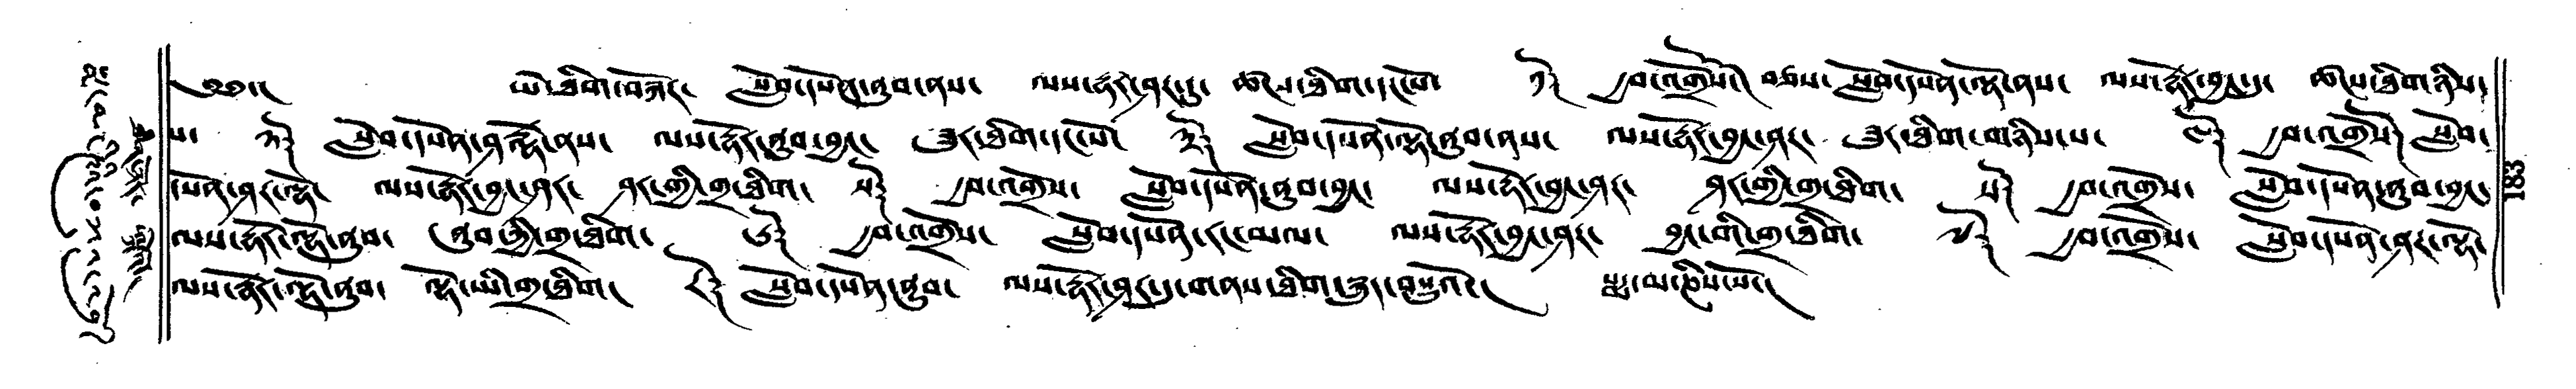༄༅། ཡེ་ཐིག་སྐོར། སློབ་དཔོན་ནུབ་ནས། ལས་རྡོར་ཤར་དུ། ཚངས་ཐིག་དང་པོ། རྒྱབ་འགྲོས་བཅས། སློབ་དཔོན་ལྷོ་ནས། ལས་རྡོར་བྱང་དུ། ཚངས་ཐིག་གཉིས་
པ། སློབ་དཔོན་ཤར་ལྷོ་ནས། ལས་རྡོར་ནུབ་བྱང་། ཟུར་ཐིག་དང་པོ།སློབ་དཔོན་ལྷོ་ནུབ་ནས། ལས་རྡོར་བྱང་ཤར། ཟུར་ཐིག་གཉིས་པ། རྒྱབ་འགྲོས།༽ སློབ་
དཔོན་ཤར་ལྷོ། ལས་རྡོར་བྱང་ཤར། ཤར་གྱི་གྲ་ཐིག རྒྱབ་འགྲོས། སློབ་དཔོན་ནུབ་བྱང་། ལས་རྡོར་བྱང་ཤར། ཤར་གྱི་གྲ་ཐིག རྒྱབ་འགྲོས། སློབ་དཔོན་ནུབ་བྱང་། 
ལས་རྡོར་ལྷོ་ནུབ། ནུབ་ཀྱི་གྲ་ཐིགརྒྱབ་འགྲོས། སློབ་དཔོན་རང་མལ། ལས་རྡོར་བྱང་ཤར། བྱང་གི་གྲ་ཐིག རྒྱབ་འགྲོས། སློབ་དཔོན་ཤར་ལྷོ། 
ལས་རྡོར་ལྷོ་ནུབ། ལྷོ་ཡི་གྲ་ཐིག སློབ་དཔོན་ནུབ། ལས་རྡོར་ཤར་དུ་གནས་ཐིག་སྐུད་བསྡུའོ། པདྨ་མ་ཎིས་སོ།། དགེའོ།།